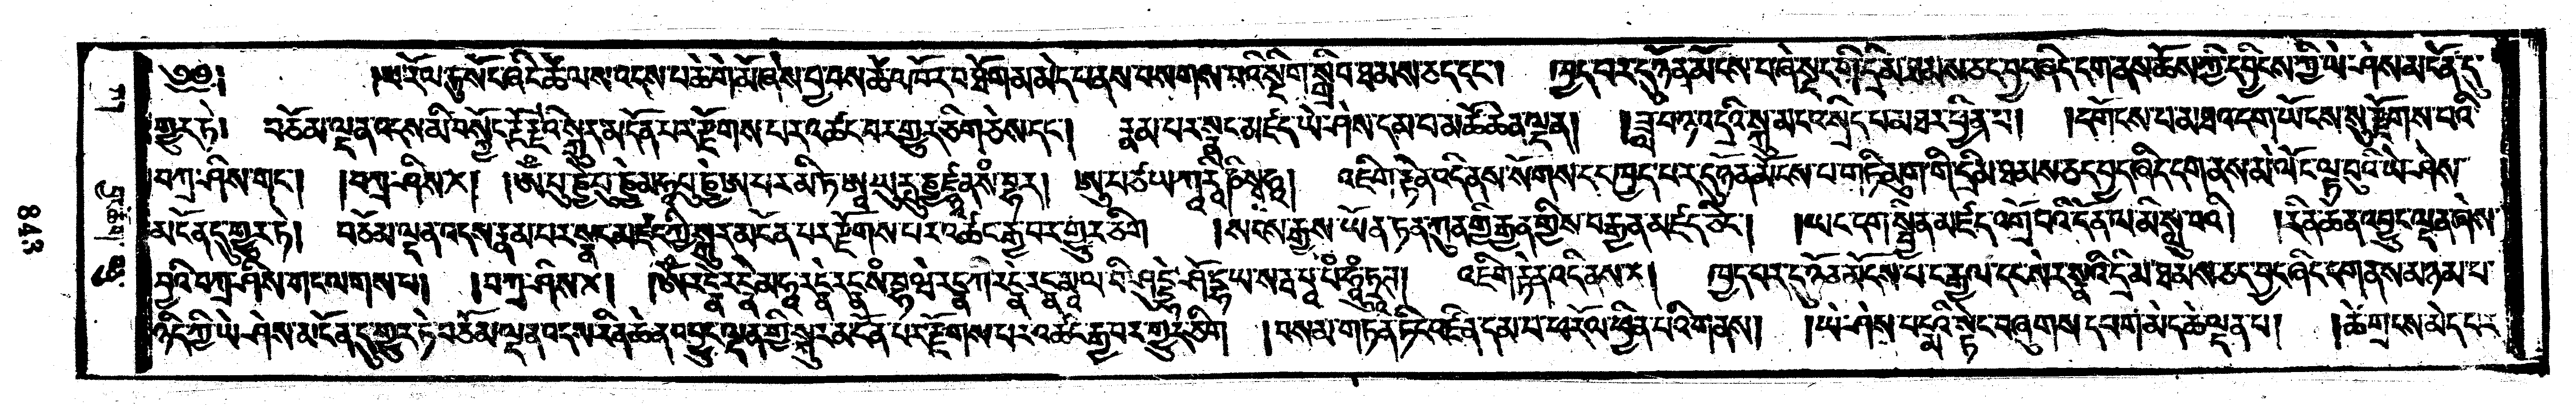༄༅། །ཕ་རོལ་ཏུ་སོང་ཞིང་ཚེ་ལས་འདས་པ་ཆེ་གེ་མོ་ཞེས་བྱ་བས་ཆོ་འཁོར་བ་ཐོག་མ་མེད་པ་ནས་བསྔགས་པའི་སྡིག་སྒྲིབ་ཐམས་ཅད་དང་། ཁྱད་པར་དུ་ཉོན་མོངས་པ་ཞེ་སྡང་གི་དྲི་མ་ཐམས་ཅད་བྱང་ཞིང་དག་ནས་ཆོས་ཀྱི་དབྱིངས་ཀྱི་ཡེ་ཤེས་མངོན་དུ་
གྱུར་ཏེ། བཅོམ་ལྡན་འདས་མི་བསྐྱོད་རྡོ་རྗེའི་སྐུར་མངོན་པར་རྫོགས་པར་འཚང་བར་གྱུར་ཅིག་ཅེས་དང་། རྣམ་པར་སྣང་མཛད་ཡེ་ཤེས་དམ་པ་མཚོ་ཆེན་ལྡན། །ཟླ་བ་ཉ་འདྲའི་སྐུ་མངའ་སྲིད་པ་མཐར་ཕྱིན་པ། །དགོངས་པ་མཐའ་དག་ཡོངས་སུ་རྫོགས་པའི་
བཀྲ་ཤིས་གང་། །བཀྲ་ཤིས་྾། །ཨོཾ་པུ་ཎྱེ་མཧཱ་པུ་ཎྱེ་ཨ་པར་མི་ཏ་ཨཱ་ཡུརྤུ་ཎྱ་ཛྙཱ་ན་སཾ་བྷ་ར། ཨུ་པ་ཙ་ཡ་ཀཱ་རཱི་ཎི་སྭཱཧཱ། འཇིག་རྟེན་འདི་ནས་སོགས་དང་ཁྱད་པར་དུ་ཉོན་མོངས་པ་གཏི་མུག་གི་དྲི་མ་ཐམས་ཅད་བྱད་ཞིང་དག་ནས་མེ་ལོང་ལྟ་བུའི་ཡེ་ཤེས་
མངོན་དུ་གྱུར་ཏེ། བཅོམ་ལྡན་འདས་རྣམ་པར་སྣང་མཛད་ཀྱི་སྐུར་མངོན་པར་རྫོགས་པར་འཚང་རྒྱ་བར་གྱུར་ཅིག །སངས་རྒྱས་ཡོན་ཏན་ཀུན་གྱི་རྒྱན་གྱིས་བརྒྱན་མཛད་ཅིང་། ཡང་དག་སྦྱིན་མཛད་འགྲོ་བའི་དོན་ལ་མི་སླུ་བའི། །རིན་ཆེན་འབྱུང་ལྡན་ཞེས་
བྱའི་བཀྲ་ཤིས་གང་ལགས་པ། །བཀྲ་ཤིས་྾། །ཨོཾ་རདྣེ་རདྣེ་མཧཱ་རདྣེ་རདྣ་སཾ་བྷ་ཝེ་རདྣ་ཀི་རདྣེ་རདྣ་མཱ་ལ་བི་ཤུདྡྷེ་ཤོདྡྷ་ཡ་སརྦ་པཱ་པཾ་ཧཱུཾ་ཏྲཱཊ། འཇིག་རྟེན་འདི་ནས་྾། ཁྱད་པར་དུ་ཉོན་མོངས་པ་ང་རྒྱལ་དང་སེར་སྣའི་དྲི་མ་ཐམས་ཅད་བྱང་ཞིང་དག་ནས་མཉམ་པ་
ཉིད་ཀྱི་ཡེ་ཤེས་མངོན་དུ་གྱུར་ཏེ་བཅོམ་ལྡན་འདས་རིན་ཆེན་འབྱུང་ལྡན་གྱི་སྐུར་མངོན་པར་རྫོགས་པར་འཚང་རྒྱ་བར་གྱུར་ཅིག །བསམ་གཏན་ཏིང་འཛིན་དམ་པ་ཕ་རོལ་ཕྱིན་པའི་གནས། །ཡེ་ཤེས་པདམའི་སྟེང་བཞུགས་དཔག་མེད་ཆེ་ལྡན་པ། །ཚེ་གྲངས་མེད་པར་